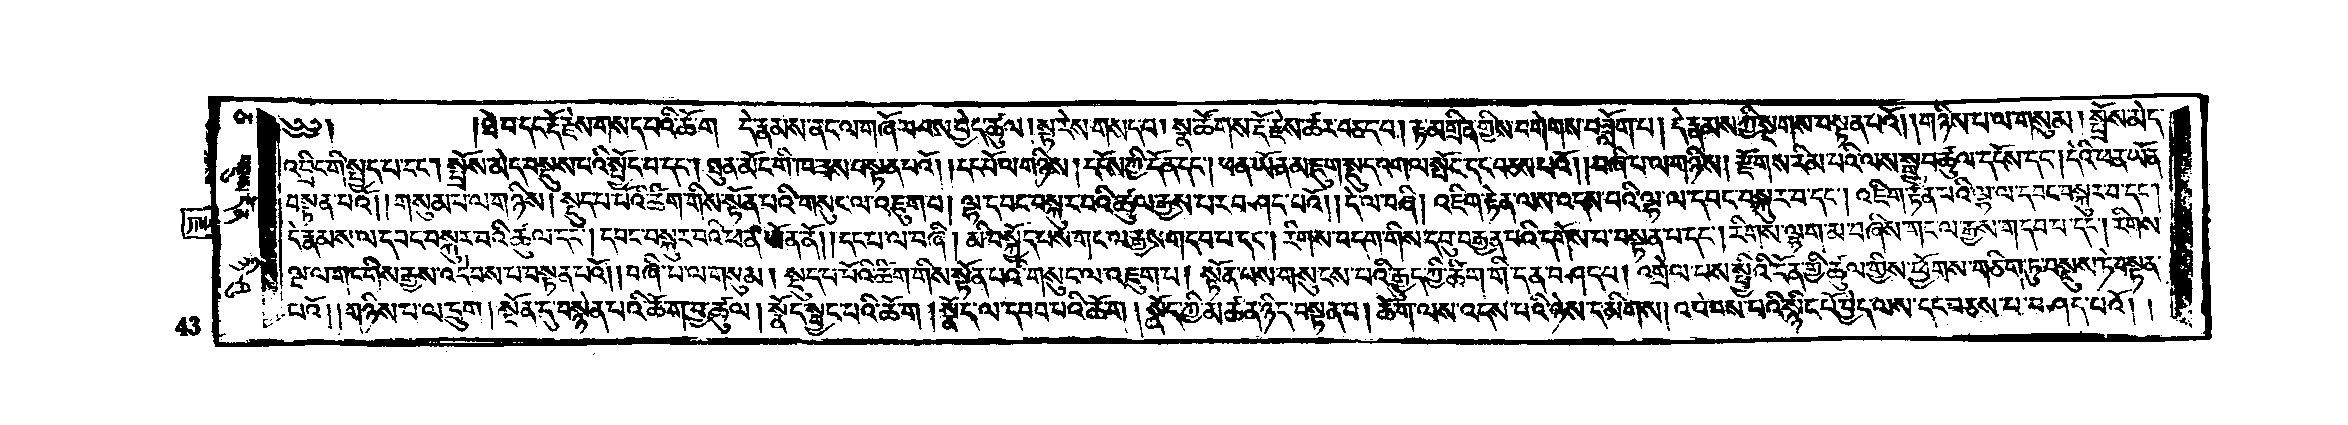༄༅། །ཐོ་བ་དང་རྡོ་རྗེས་གསད་པའི་ཆོ་ག་དེ་རྣམས་ནང་ལ་གཞོལ་བས་བྱེད་ཚུལ། སྟ་རེས་གསད་པ། སྣ་ཚོགས་རྡོ་རྗེས་ཚར་བཅད་པ། རྟ་མགྲིན་གྱིས་བགེགས་བཟློག་པ། དེ་རྣམས་ཀྱི་སྔགས་བསྟན་པའོ། །གཉིས་པ་ལ་གསུམ། སྤྲོས་མེད་
འབྲིང་གི་སྤྱད་པ་དང་། སྤྲོས་མེད་བསྡུས་པའི་སྤྱོད་པ་དང་། ཐུན་མོང་གི་ཁ་ཟས་བསྟན་པའོ། །དང་པོ་ལ་གཉིས། དངོས་ཀྱི་དོན་དང་། ཕན་ཡོན་མཇུག་སྡུད་འགལ་སྤོང་དང་བཅས་པའོ། །བཞི་པ་ལ་གཉིས། རྫོགས་རིམ་པའི་ལས་སྒྲུབ་ཚུལ་དངོས་དང་། དེའི་ཕན་ཡོན་
བསྟན་པའོ། །གསུམ་པ་ལ་གཉིས། སྡུད་པ་པོའི་ཚིག་གིས་སྟོན་པའི་གསུང་ལ་འཇུག་པ། ལྷ་དབང་བསྐུར་བའི་ཚུལ་རྒྱས་པར་བཤད་པའོ། །དེ་ལ་བཞི། འཇིག་རྟེན་ལས་འདས་པའི་ལྷ་ལ་དབང་བསྐུར་བ་དང་། འཇིག་རྟེན་པའི་ལྷ་ལ་དབང་བསྐུར་བ་དང་།
དེ་རྣམས་ལ་དབང་བསྐུར་བའི་ཚུལ་དང་། དབང་བསྐུར་བའི་ཕན་ཡོན་ནོ། །དང་པོ་ལ་བཞི། མི་བསྐྱོད་པས་གང་ལ་རྒྱས་གདབ་པ་དང་། རིགས་བདག་གིས་དབུ་བརྒྱན་པའི་དགོས་པ་བསྟན་པ་དང་། རིགས་ལྷག་མ་བཞིས་གང་ལ་རྒྱས་གདབ་པ་དང་། རིགས་
ལྔ་ལ་གང་གིས་རྒྱས་འདེབས་པ་བསྟན་པའོ། །བཞི་པ་ལ་གསུམ། སྡུད་པ་པོའི་ཚིག་གིས་སྟོན་པའི་གསུང་ལ་འཇུག་པ། སྟོན་པས་གསུངས་པའི་རྒྱུད་ཀྱི་ཚིག་གི་དན་བཤད་པ། འགྲེལ་པས་སྤྱིའི་དོན་གྱི་ཚུལ་གྱིས་ཕྱོགས་གཅིག་ཏུ་བསྡུས་ཏེ་བསྟན་
པའོ། །གཉིས་པ་ལ་དྲུག །སྔོན་དུ་བསྙེན་པའི་ཆོ་ག་བྱ་ཚུལ། སྣོད་སྦྱང་པའི་ཆོ་ག །སྣོད་ལ་དབབ་པའི་ཆོ་ག །སྣོད་ཀྱི་མཚན་ཉིད་བསྟན་པ། ཆོ་ག་ལས་འདས་པའི་ཉེས་དམིགས། འབེབས་པའི་སྙིང་པོ་བྱེད་ལས་དང་བཅས་པ་བཤད་པའོ། །